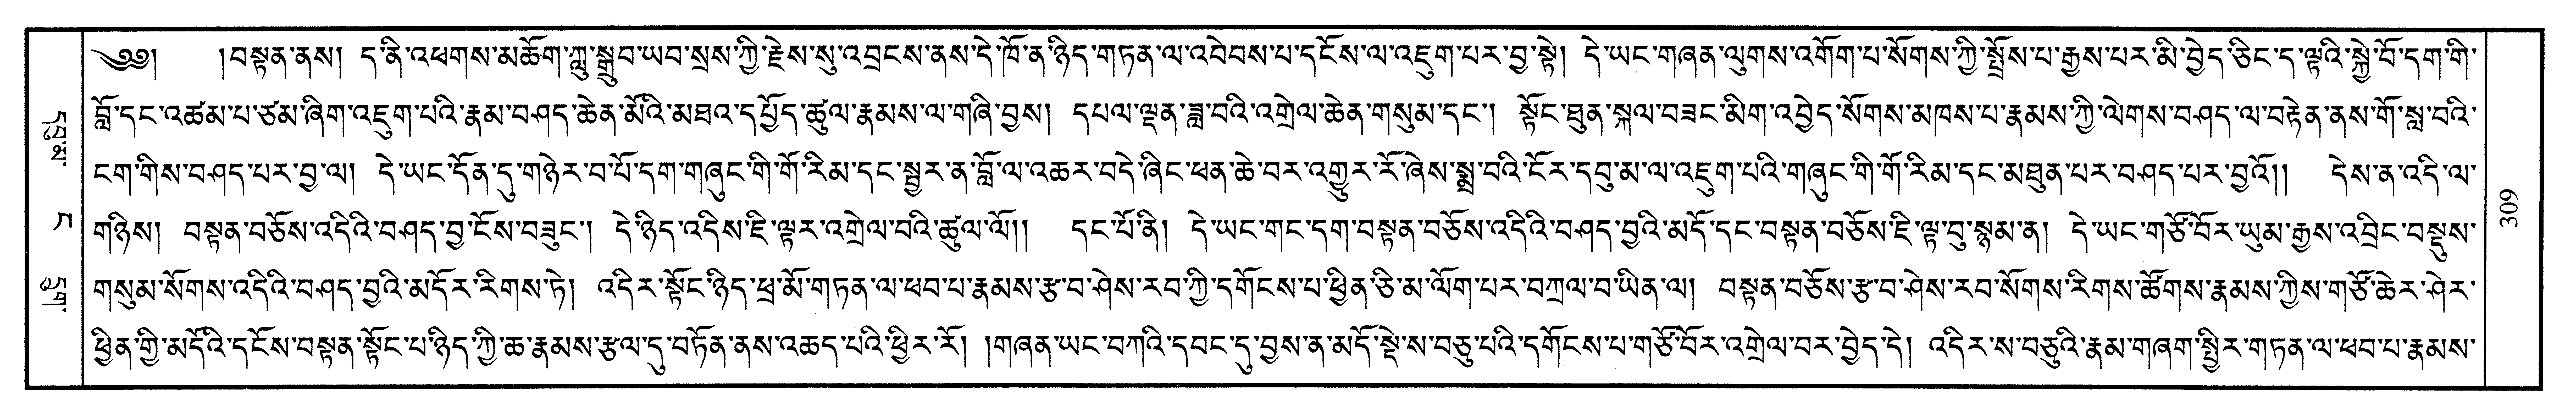༄༅། །བསྟན་ནས། ད་ནི་འཕགས་མཆོག་ཀླུ་སྒྲུབ་ཡབ་སྲས་ཀྱི་རྗེས་སུ་འབྲངས་ནས་དེ་ཁོ་ན་ཉིད་གཏན་ལ་འབེབས་པ་དངོས་ལ་འཇུག་པར་བྱ་སྟེ། དེ་ཡང་གཞན་ལུགས་འགོག་པ་སོགས་ཀྱི་སྤྲོས་པ་རྒྱས་པར་མི་བྱེད་ཅིང་ད་ལྟའི་སྐྱེ་བོ་དག་གི་
བློ་དང་འཚམ་པ་ཙམ་ཞིག་འཇུག་པའི་རྣམ་བཤད་ཆེན་མོའི་མཐའ་དཔྱོད་ཚུལ་རྣམས་ལ་གཞི་བྱས། དཔལ་ལྡན་ཟླ་བའི་འགྲེལ་ཆེན་གསུམ་དང་། སྟོང་ཐུན་སྐལ་བཟང་མིག་འབྱེད་སོགས་མཁས་པ་རྣམས་ཀྱི་ལེགས་བཤད་ལ་བརྟེན་ནས་གོ་སླ་བའི་
ངག་གིས་བཤད་པར་བྱ་ལ། དེ་ཡང་དོན་དུ་གཉེར་བ་པོ་དག་གཞུང་གི་གོ་རིམ་དང་སྦྱར་ན་བློ་ལ་འཆར་བདེ་ཞིང་ཕན་ཆེ་བར་འགྱུར་རོ་ཞེས་སྨྲ་བའི་ངོར་དབུ་མ་ལ་འཇུག་པའི་གཞུང་གི་གོ་རིམ་དང་མཐུན་པར་བཤད་པར་བྱའོ།། དེས་ན་འདི་ལ་
གཉིས། བསྟན་བཅོས་འདིའི་བཤད་བྱ་ངོས་བཟུང་། དེ་ཉིད་འདིས་ཇི་ལྟར་འགྲེལ་བའི་ཚུལ་ལོ།། དང་པོ་ནི། དེ་ཡང་གང་དག་བསྟན་བཅོས་འདིའི་བཤད་བྱའི་མདོ་དང་བསྟན་བཅོས་ཇི་ལྟ་བུ་སྙམ་ན། དེ་ཡང་གཙོ་བོར་ཡུམ་རྒྱས་འབྲིང་བསྡུས་
གསུམ་སོགས་འདིའི་བཤད་བྱའི་མདོར་རིགས་ཏེ། འདིར་སྟོང་ཉིད་ཕྲ་མོ་གཏན་ལ་ཕབ་པ་རྣམས་རྩ་བ་ཤེས་རབ་ཀྱི་དགོངས་པ་ཕྱིན་ཅི་མ་ལོག་པར་བཀྲལ་བ་ཡིན་ལ། བསྟན་བཅོས་རྩ་བ་ཤེས་རབ་སོགས་རིགས་ཚོགས་རྣམས་ཀྱིས་གཙོ་ཆེར་ཤེར་
ཕྱིན་གྱི་མདོའི་དངོས་བསྟན་སྟོང་པ་ཉིད་ཀྱི་ཆ་རྣམས་རྩལ་དུ་བཏོན་ནས་འཆད་པའི་ཕྱིར་རོ། །གཞན་ཡང་བཀའི་དབང་དུ་བྱས་ན་མདོ་སྡེ་ས་བཅུ་པའི་དགོངས་པ་གཙོ་བོར་འགྲེལ་བར་བྱེད་དེ། འདིར་ས་བཅུའི་རྣམ་གཞག་སྤྱིར་གཏན་ལ་ཕབ་པ་རྣམས་